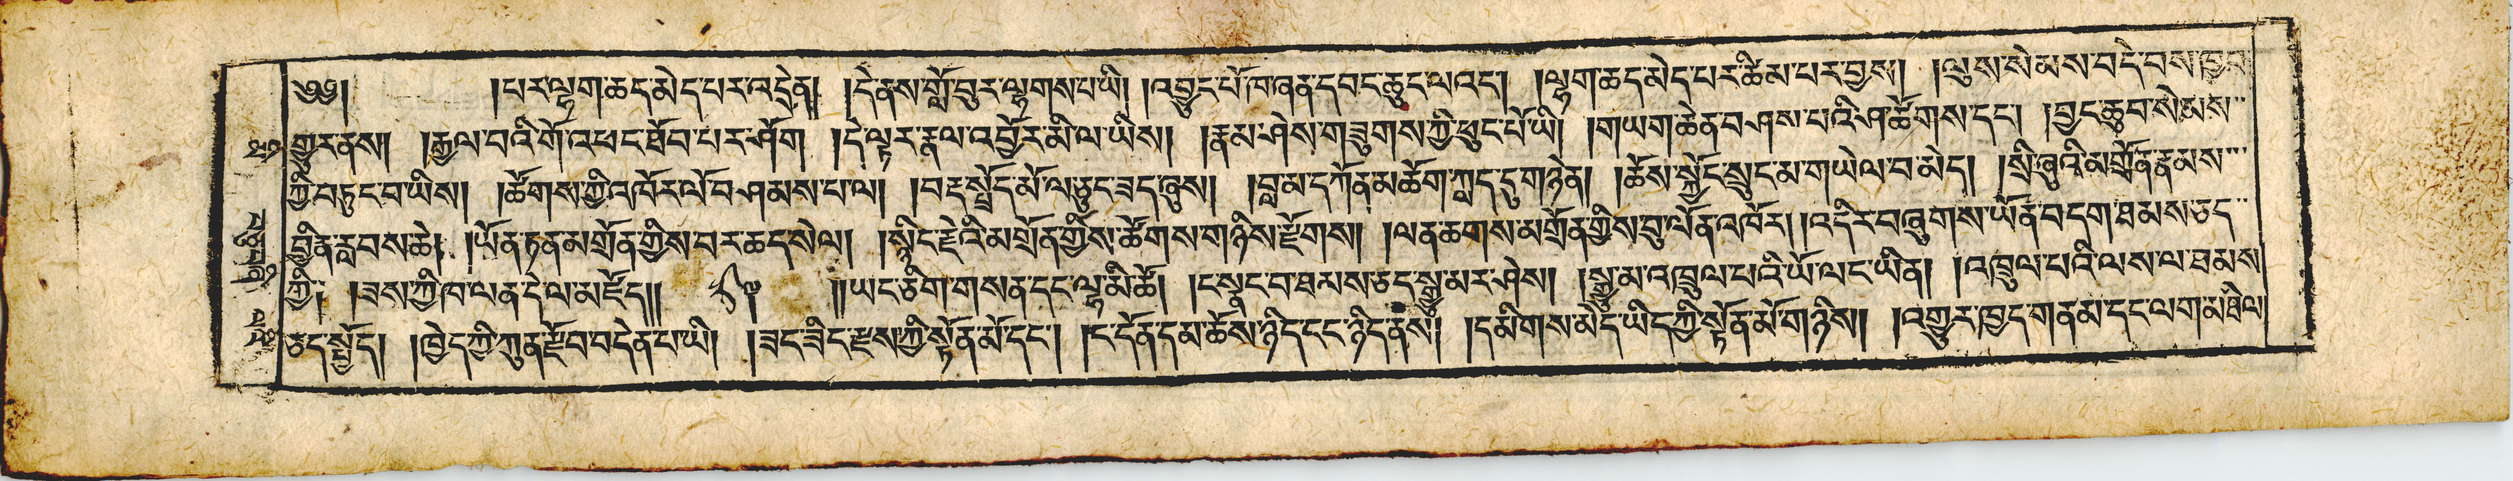པར་ལྷག་ཆད་མེད་པར་འདྲེན། །དེ་ནས་གློ་བུར་ལྷགས་པ་ཡི། །འབྱུང་པོ་ཁ་ཞན་དབང་ཆུང་ལའང་། །ལྷག་ཆད་མེད་པར་ཚིམ་པར་བྱས། །ལུས་སེམས་བདེ་བས་ཁྱབ་
གྱུར་ནས། །རྒྱལ་བའི་གོ་འཕང་ཐོབ་པར་ཤོག །དེ་ལྟར་རྣལ་འབྱོར་མི་ལ་ཡིས། །རྣམ་ཤེས་གཟུགས་ཀྱི་ཕུང་པོ་ཡི། །གཡག་ཆེན་བཤས་པའི་ཤ་ཚོགས་དང་། །བྱང་ཆུབ་སེམས་་
ཀྱི་བཏུང་བ་ཡིས། །ཚོགས་ཀྱི་འཁོར་ལོ་བཤམས་པ་ལ། །བརྡ་སྤྲོད་མོ་ལ་ཅུང་ཟད་ཞུས། །བླ་མ་དཀོན་མཆོག་ཀླད་དུ་གཉེན། །ཆོས་སྐྱོང་སྲུང་མ་གཡེལ་བ་མེད། །སྲི་ཞུའི་མགྲོན་རྣམས་
བྱིན་རླབས་ཆེ། །ཡོན་ཏན་མགྲོན་གྱིས་བར་ཆདསེལ། །སྙིང་རྗེའི་མགྲོན་གྱིས་ཚོགས་གཉིས་རྫོགས། །ལན་ཆགས་མགྲོན་གྱིས་བུ་ལོན་འཁོར། འདིར་བཞུགས་ཡོན་བདག་ཐམས་ཅད་
ཀྱི། །ཟས་ཀྱི་ཁ་ལན་དེ་ལ་མཛོད།། ༈ ཡང་ཅིག་གསན་དང་ལྷ་མི་ཚོ། །ང་སྣང་བ་ཐམས་ཅད་སྒྱ་མར་ཤེས། །སྒྱུ་མ་འཁྲུལ་པའི་ཡོ་ལང་ཡིན། །འཁྲུལ་པའི་ལས་ལ་ཐམས་
ཅད་སྤྱོད། །ཁྱེད་ཀྱི་ཀུན་རྫོབ་བདེན་པ་ཡི། །ཟང་ཟིང་རྫས་ཀྱི་སྟོན་མོ་དང་། །ང་དོན་དམ་ཆོས་ཉིད་ངང་ཉིད་ནས། །དམིགས་མེད་ཡིད་ཀྱི་སྟོན་མོ་གཉིས། །འགྱུར་ཁྱད་གནམ་དང་ལག་མཐིལ་